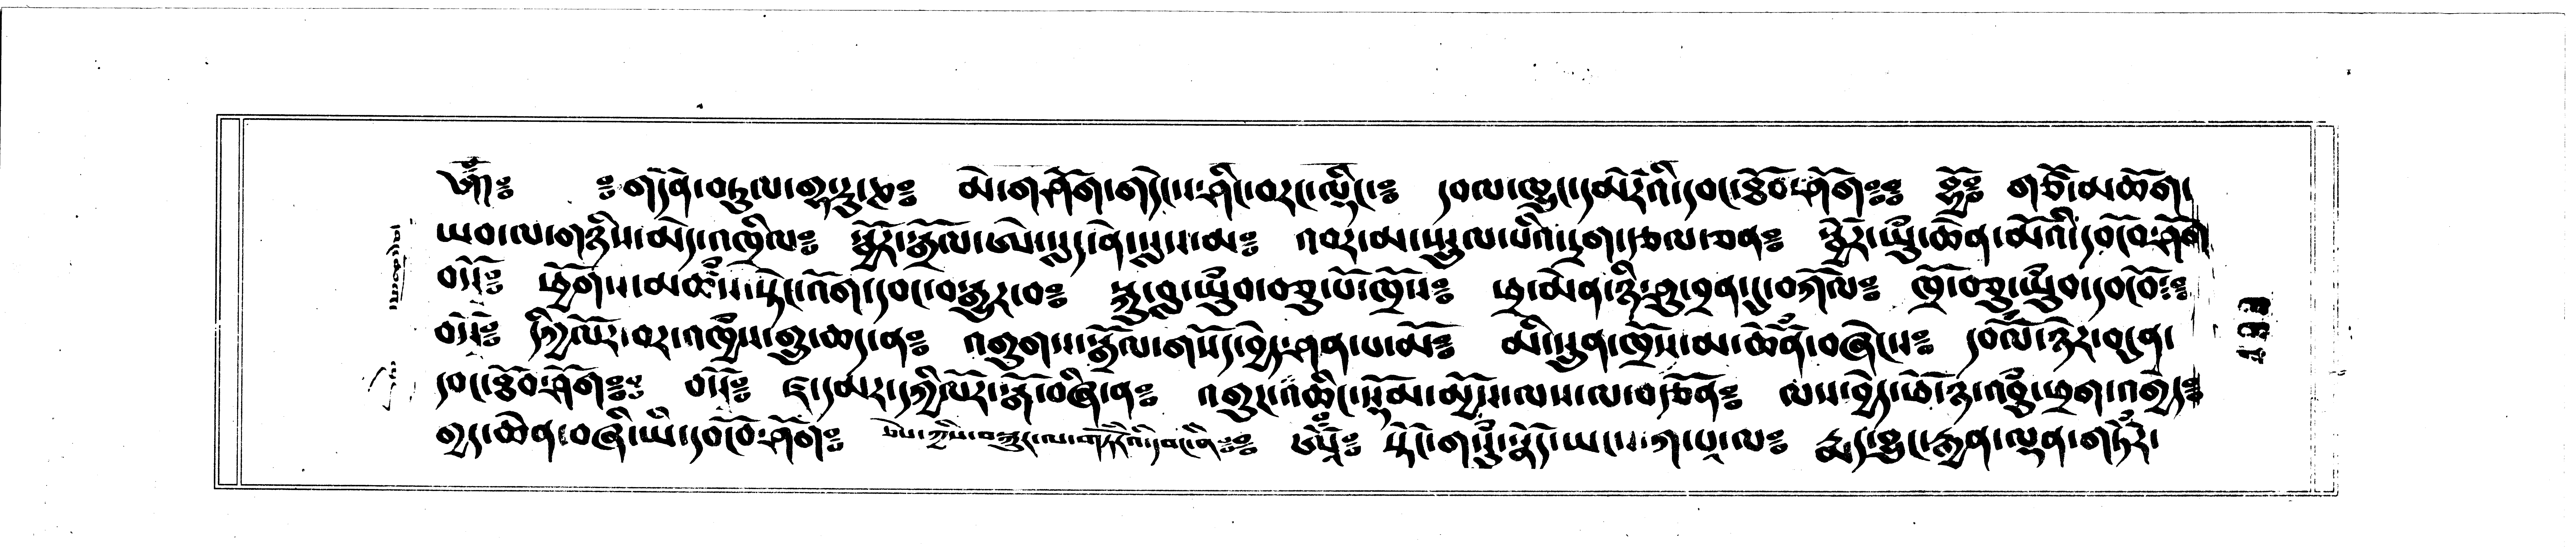༔གདོན་འདུལ་གྷ་རུ་ཎ༔མེ་གཤོག་གདེངས་ཤིང་བར་སྣང་ལྡིང་༔དབལ་ཁྱུང་དམར་པོའི་དབང་ཐོབ་ཤོག༔༔བྷྱོ༔༔གཙོ་མཆོག་
ཡབ་ལ་གཉིས་མེད་འཁྲིལ༔སྦྱོར་སྒྲོལ་ཨེ་སླད་ནེ་སླས་མ༔འབར་མ་སྤྲུལ་པའི་དྲག་རྩལ་ཅན༔སྦྱོར་ཡུམ་ཆེན་མོའི་དབང་ཐོབ་ཤོག
བསྭོ༔ཕྱོགས་མཚམས་སྟེང་འོག་དབང་བསྒྱུར་བ༔སྐུ་བླ་ཡབ་ཡུམ་བཅུ་པོ་ཁྲོས༔ཕྲ་མེན་ཉི་ཤུ་བྲན་དུ་བཀོལ༔ཁྲོ་བཅུ་ཡབ་ཡུམ་དབང་ཐོབ་ཤོག༔
བསྭོ༔དཀྱིལ་འཁོར་བར་འཁྱམས་གྲུ་ཆད་ན༔འགུགས་སྒྲོལ་གསོད་བྱེད་ཤན་པ་མོ༔མི་སྲུན་ཁྲོས་མ་ཆེན་མོ་བཞེངས༔དབལ་མོ་ཉེར་བདུན་
དབང་ཐོབ་ཤོག༔༔བསྭོ༔ཛྭ་དམར་དཀྱིལ་འཁོར་སྒོ་བཞི་ན༔འགུགས་འཆིང་སྡོམ་མྱོས་ལས་ལ་བརྩོན༔ལས་བྱེད་ཕོ་ཉ་འབུམ་ཕྲག་འགྱེད༔
གྱད་ཆེན་བཞི་ཡི་དབང་ཐོབ་ཤོག༔ཅེས་ཀྱིས་བསྐུར་ལ་གཏོར་མའི་དབང་ནི༔༔ཨཱོཾ༔སྟོང་གསུམ་སྣོད་ཡངས་ཀ་པཱ་ལ༔རྨད་བྱུང་རྒྱན་ལྡན་གཏོར་མ་